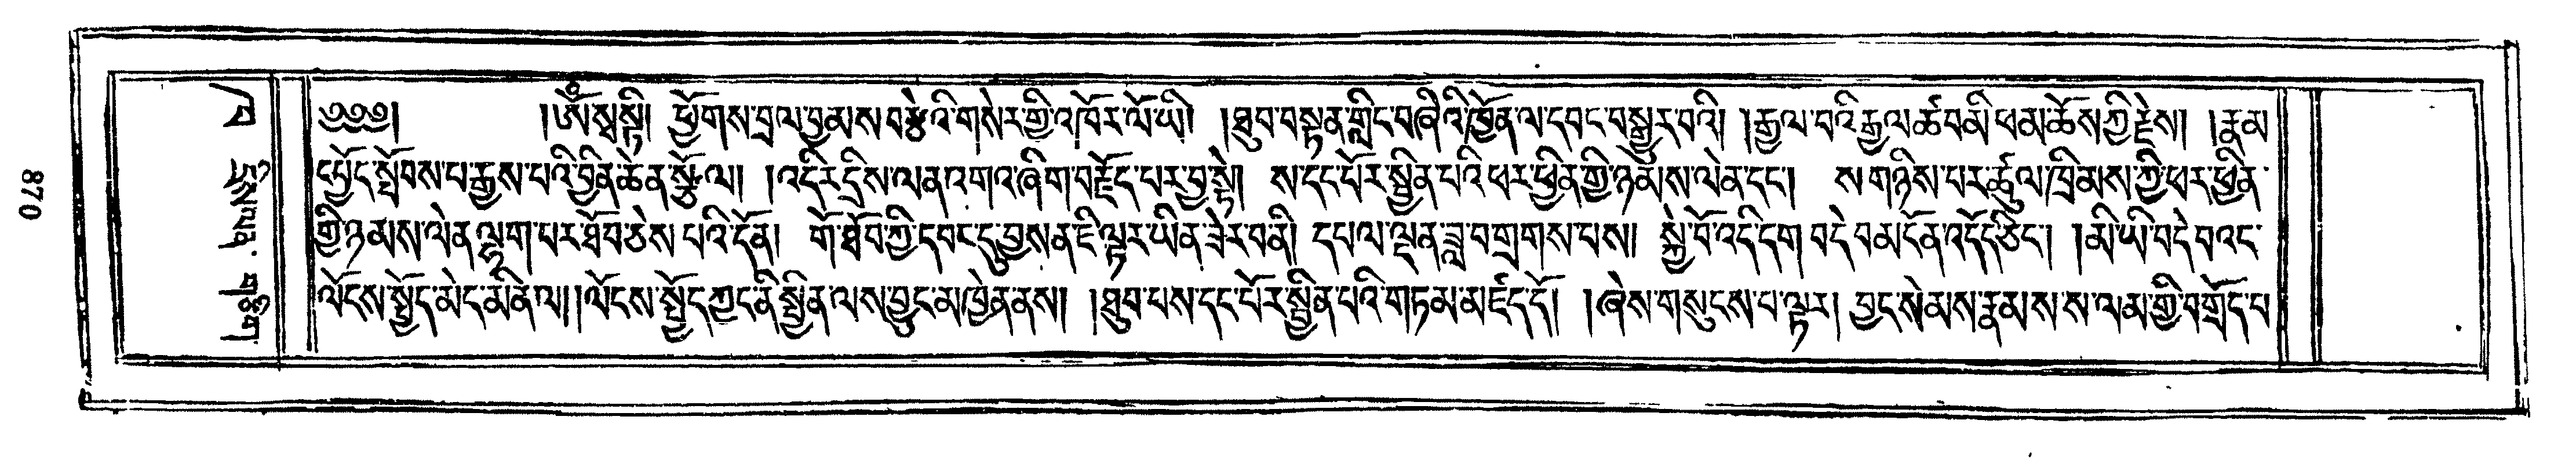༄༅༅། །ཨོཾ་སྭསྟི། ཕྱོགས་བྲལ་བྱམས་བརྩེའི་གསེར་གྱི་འཁོར་ལོ་ཡི། །ཐུབ་བསྟན་གླིང་བཞིའི་ཁྱོན་ལ་དབང་བསྒྱུར་བའི། །རྒྱལ་བའི་རྒྱལ་ཚབ་མི་ཕམ་ཆོས་ཀྱི་རྗེས། །རྣམ་
དཔྱོད་སྤོབས་པ་རྒྱས་པའི་བྱིན་ཆེན་སྩོལ། །འདིར་དྲིས་ལན་འགའ་ཞིག་བརྗོད་པར་བྱ་སྟེ། ས་དང་པོར་སྦྱིན་པའི་ཕར་ཕྱིན་གྱི་ཉམས་ལེན་དང་། ས་གཉིས་པར་ཚུལ་ཁྲིམས་ཀྱི་ཕར་ཕྱིན་
གྱི་ཉམས་ལེན་ལྷག་པར་ཐོབ་ཅེས་པའི་དོན། གོ་ཐོབ་ཀྱི་དབང་དུ་བྱས་ན་ཇི་ལྟར་ཡིན་ཟེར་བ་ནི། དཔལ་ལྡན་ཟླ་བ་གྲགས་པས། སྐྱེ་བོ་འདི་དག་བདེ་བ་མངོན་འདོད་ཅིང་། །མི་ཡི་བདེ་བའང་
ལོངས་སྤྱོད་མེད་མིན་ལ། །ལོངས་སྤྱོད་ཀྱང་ནི་སྤྱིན་ལས་བྱུང་མཁྱེན་ནས། །ཐུབ་པས་དང་པོར་སྦྱིན་པའི་གཏམ་མཛད་དོ། །ཞེས་གསུངས་པ་ལྟར། བྱང་སེམས་རྣམས་ས་ལམ་གྱི་བགྲོད་པ་